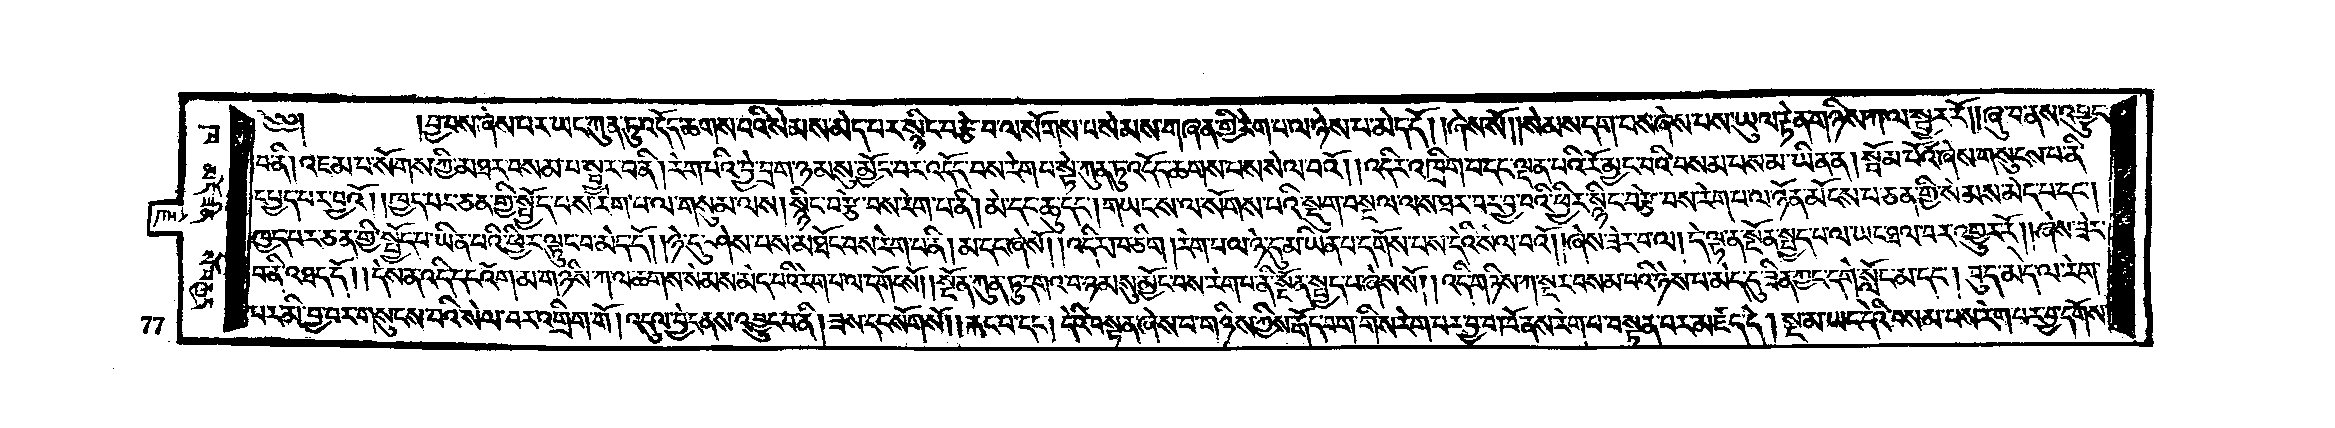༄༅། །བྱ་བས་ཞེས་པར་ཡང་ཀུན་ཏུ་འདོད་ཆགས་པའི་སེམས་མེད་པར་སྙིང་བརྩེ་བ་ལ་སོགས་པ་སེམས་གཞན་གྱི་རེག་པ་ལ་ཉེས་པ་མེད་དོ། །ཞེས་སོ། །སེམས་དག་པས་ཞེས་པས་ཡུལ་རྟེན་གཉིས་ཀ་ལ་སྦྱར་རོ། །ཞུ་བ་ནས་འབྱུང་
བ་ནི། འཇམ་པ་སོགས་ཀྱི་མཐར་བསམ་པ་སྦྱར་བ་ནི། རེག་པའི་བྱེ་བྲག་ཉམས་སུ་མྱོང་བར་འདོད་བས་རེག་པ་སྟེ་ཀུན་ཏུ་འདོད་ཆགས་པས་སེལ་བའོ། །འདིར་འཁྲིག་པ་དང་ལྡན་པའི་རོ་མྱང་བའི་བསམ་པས་མ་ཡིན་ན། སྦོམ་པོའོ་ཞེས་གསུངས་པ་ནི་
དཔྱད་པར་བྱའོ། །ཁྱད་པར་ཅན་གྱི་སྤྱོད་པས་རེག་པ་ལ་གསུམ་ལས། སྙིང་བརྩེ་བས་རེག་པ་ནི། མེ་དང་ཆུ་དང་། གཡང་ས་ལ་སོགས་པའི་སྡུག་བསྔལ་ལས་ཐར་བར་བྱ་བའི་ཕྱིར་སྙིང་བརྩེ་བས་རེག་པ་ལ་ཉོན་མོངས་པ་ཅན་གྱི་སེམས་མེད་པ་དང་།
ཁྱད་པར་ཅན་གྱི་སྤྱོད་པ་ཡིན་པའི་ཕྱིར་ལྟུང་བ་མེད་དོ། །ཉེ་དུ་ཤེས་པས་མཐོང་བས་རེག་པ་ནི། མ་དང་ཞེས་སོ། །འདིར་ཁ་ཅིག །རེག་པ་ལ་ཉེ་དུ་མ་ཡིན་པ་དགོས་པས་དེའི་སེལ་བའོ། །ཞེས་ཟེར་བ་ལ། དེ་ལྟ་ན་སྔོན་སྤྱད་པ་ལ་ཡང་ཐལ་བར་འགྱུར་རོ། །ཞེས་ཟེར་
བ་ནི་འཐད་དོ། །དེས་ན་འདི་དང་འོག་མ་གཉིས་ཀ་ལ་ཆགས་སེམས་མེད་པའི་རེག་པ་ལ་དགོངས་སོ། །སྔོན་ཀུན་ཏུ་དགའ་བ་ཉམས་སུ་མྱོང་བས་རེག་པ་ནི་སྔོན་སྤྱད་པ་ཞེས་སོ། །འདི་གཉིས་ཀ་སྔར་བསམ་པའི་ཉེས་པ་མེད་དུ་ཟིན་ཀྱང་དགེ་སློང་མ་དང་། བུད་མད་ལ་རེག་
པར་མི་བྱ་བར་གསུངས་པའི་སེལ་བར་འགྲིག་གོ །འདུལ་བྱེད་ནས་འབྱུང་བ་ནི། ཟས་དང་སོགས་སོ། །རྐང་པ་དང་། དེའི་བསྟན་ཞེས་པ་གཉིས་ཀྱིས་རྒོད་བག་གིས་རེག་པར་བྱ་བ་ཁོ་ནས་རེག་པ་བསྟན་པར་མཛད་དེ། སྔ་མ་ཡང་དེའི་བསམ་པས་རེག་པར་བྱ་དགོས་